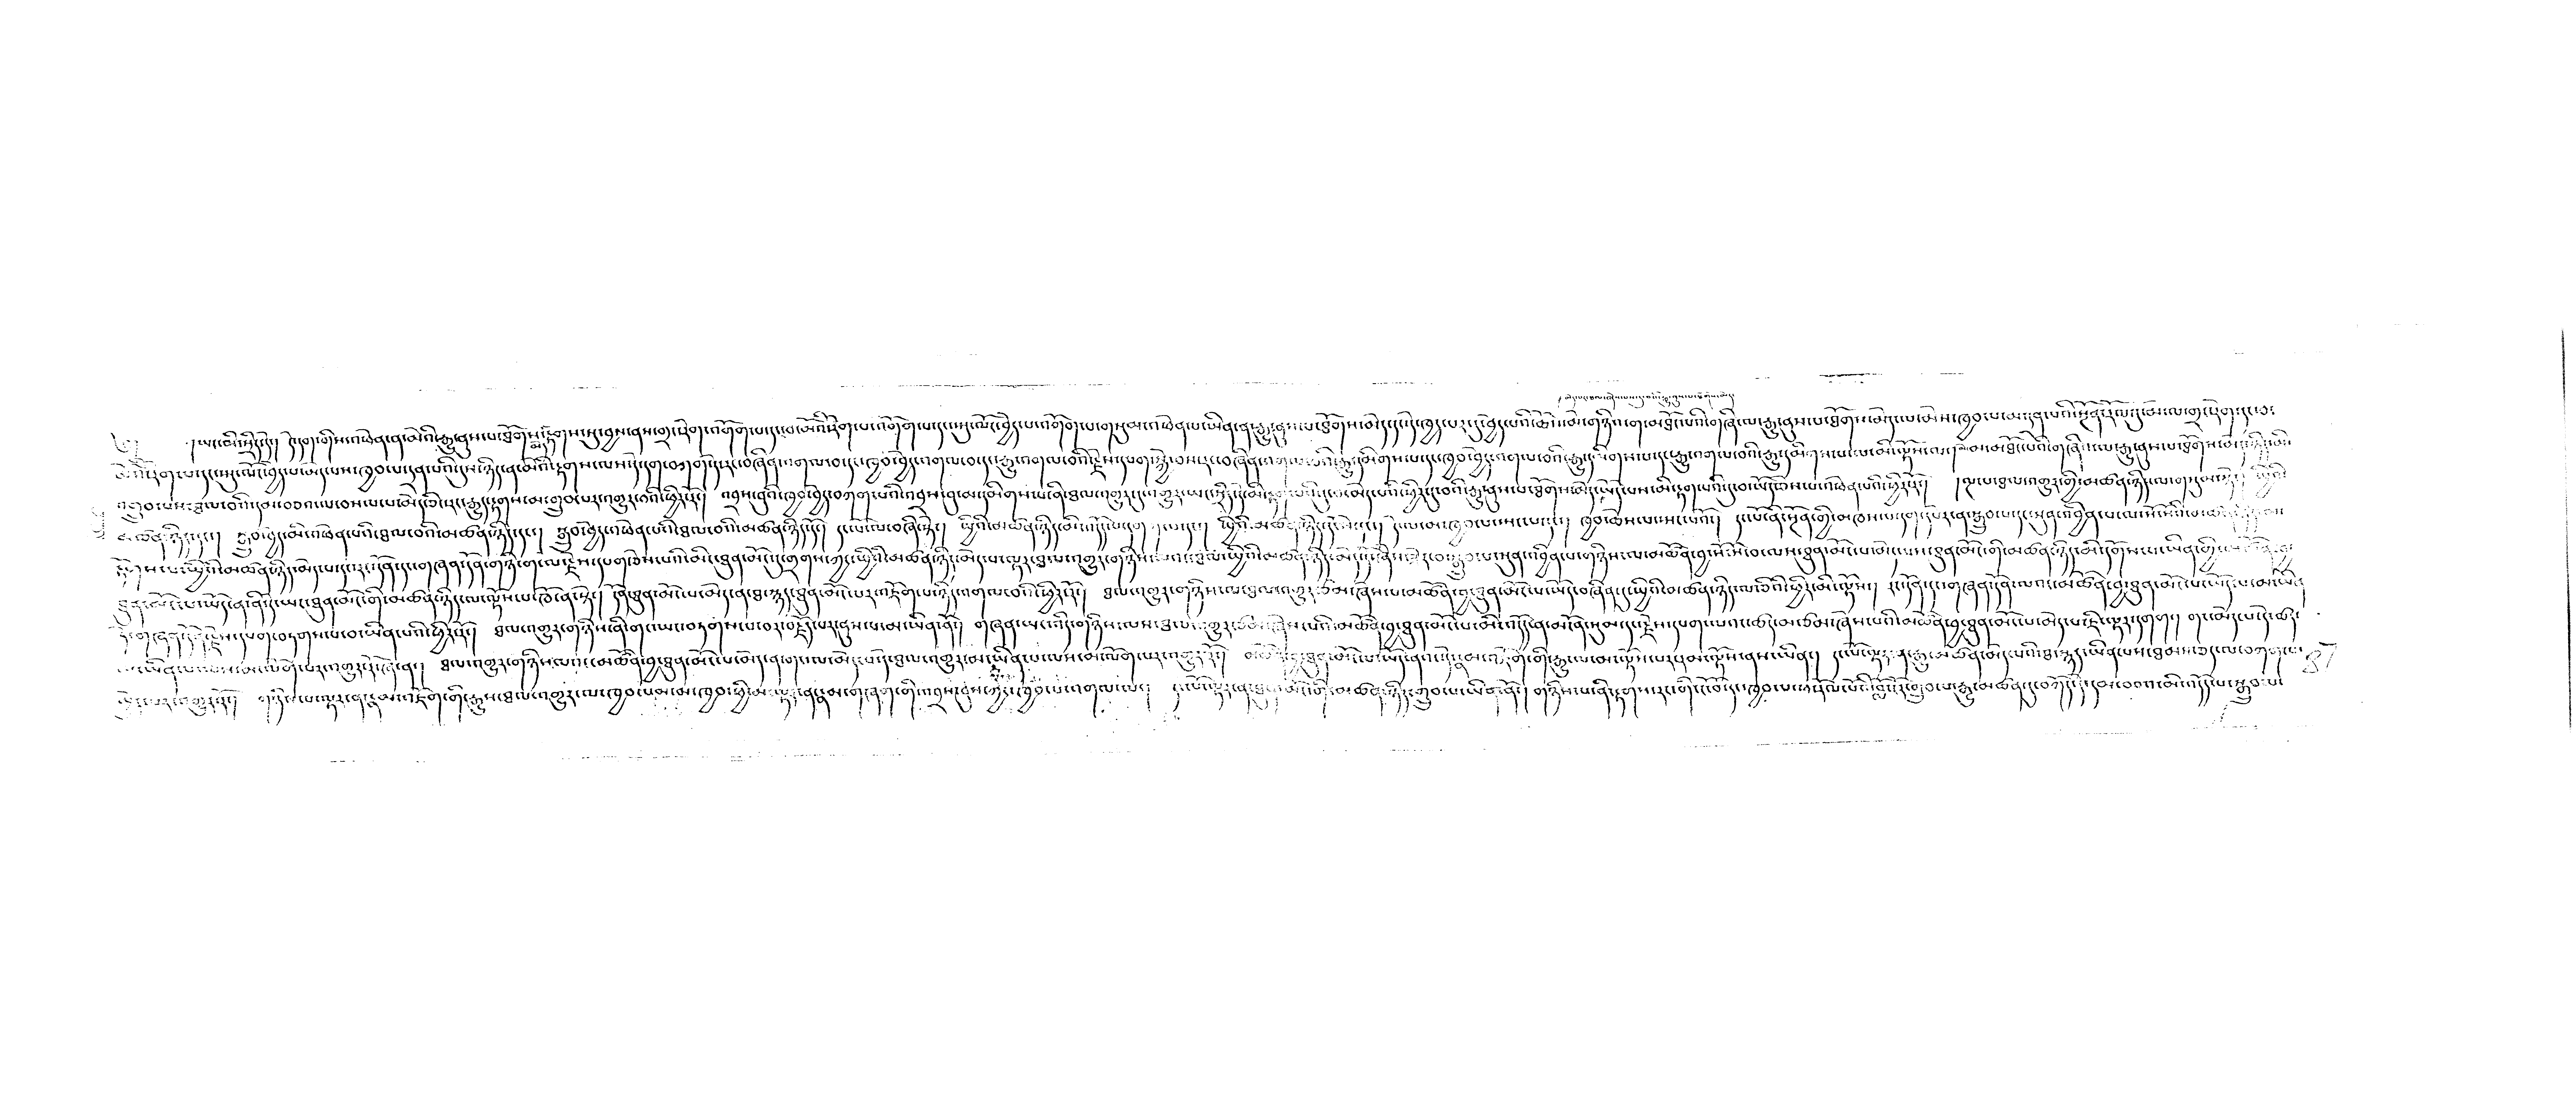༈། །ཡང་མི་སྲིད་དེ། དེ་དག་གིས་འཕེན་ན་མེའི་རྒྱུ་ནུས་པ་ཐོགས་མེད་རྟོགས་སུ་བྱས་ནས་གྲང་རིག་འགོག་པ་དང་བ་མོའི་རིག་པ་འགོག་པ་དང་སྤུ་ལོང་བྱེད་པ་འགོག་པ་གསུམ་འཕེན་པ་ཡིན་ན་རྒྱུ་ནུས་པ་ཐོགས་མེད་དང་དེ་ཁྱད་པར་དུ་བྱེད་པའི་ཆོས་མེ་གཉིའ་ག་མཐོང་པའི་གཞི་ལ་རྒྱུ་ནུས་པ་ཐོགས་མེད་པ་ཆོས་ཁྱབ་པ་མ་དན་པའི་སྔོན་རོལ་དུ་མེ་ལ་གྲང་རེག་དང་བ་
མེའི་རེག་པ་དང་སྤུ་ལོང་བྱེད་པ་མེད་པས་ཁྱབ་པ་དྲན་པའི་དུས་ཉིད་ན་མིའི་རྟགས་ལས་དེ་དག་བཀག་དེ་རང་བཞིན་འགལ་བ་དང་ཁྱབ་བྱེད་འགལ་བ་དང་རྒྱུ་འགལ་བའི་རྗེས་དཔག་སྐྱེ་བས་རང་བཞིན་འགལ་བའི་རྒྱུ་དམིགས་པ་དང་ཁྱབ་བྱེད་འགལ་བའི་རྒྱུ་དམིགས་པ་དང་རྒྱུ་འགལ་པའི་རྒྱུ་དམིགས་པ་ལ་མི་ལྟོས་ལ། མ་མཐོང་པའི་གཞིའ་ལ་རྒྱུ་ནུས་པ་ཐོགས་མེད་ཉིད་མི་
འགྲུབ་པས་ཐལ་བའི་དམ་བཅའ་ལ་བསལ་པ་མེད་ཅིང་རང་རྒྱུད་རྟགས་མ་གྲུབ་པར་འགྱུར་བའི་ཕྱིར་རོ། འབྲས་བུའི་ཁྱབ་བྱེད་བཀག་པའི་འབྲས་བུ་མ་དམིགས་པ་ནི་ཐལ་འགྱུར་དུ་འགྱུར་ཡང་སྲིད་དེ་མི་རྟག་པའི་དུ་པ་མེད་པའི་ཕྱིར་དུ་བའི་རྒྱུ་ནུས་པ་ཐོགས་མེད་ཡོད་པས་མི་རྟག་པའི་དུ་བ་ཡོད་ཅེས་པ་འཕེན་པའི་ཕྱིར་རོ། །ལྔ་པ་ཐལ་འགྱུར་གྱི་མཚན་ཉིད་ལ་གསུམ་སྟེ། སྤྱིའི་
མཚན་ཉིད་དང་། སྒྲུབ་བྱེད་མི་འཕེན་པའི་ཐལ་བའི་མཚན་ཉིད་དང་། སྒྲུབ་བྱེད་འཕེན་པའི་ཐལ་བའི་མཚན་ཉིད་དོ། དང་པོ་ལ་བཞི་སྟེ། སྤྱིའི་མཚན་ཉིད་མི་འདོད་པ་དགག་པ་དང་། སྤྱིའི་མཚན་ཉིད་དངོས་དང་། དེ་ལ་མ་ཁྱབ་པ་སྤང་པ་དང་། ཁྱབ་ཆོས་པ་སྤང་པའོ། དང་པོ་ནི་སྔོན་གྱི་མཁས་པ་དག་དཔེར་ན་སྒྲུབ་པ་དང་སུན་འབྱིན་པ་ལ་སོ་སོའི་མཚན་ཉིད་ལ་
རྟོགས་པ་སྤྱིའི་མཚན་ཉིད་མེད་པ་དང་རང་དོན་དང་གཞན་དོན་གཉི་ག་ལ་རྗེས་དཔག་ཅེས་པའི་མིང་ཐུན་མོང་དུ་གྲགས་ཀྱང་སྤྱིའི་མཚན་ཉིད་མེད་པ་ལྟར་ཐལ་འགྱུར་གཉིས་པའང་ཐལ་སྤྱིའི་མཚན་ཉིད་མེད་དེ་ཞེས་ཟེར་བ་སྒྲུབ་པ་སུན་འབྱིན་པ་གཉིས་ལ་མཚོན་བྱ་སོ་སོ་བ་ལས་ཐུན་མོང་པ་མེད་པས་ཐུན་མོང་གི་མཚན་ཉིད་མི་དགོས་པ་ཡིན་གྱི་མཚོན་བྱ་
ཐུན་མོང་པ་ཡོད་ན་ནི་དེ་ཡང་ཐུན་མོང་གི་མཚན་ཉིད་ལ་ལྟོས་པ་ཁོ་ན་སྟེ། དོན་ཐུན་མོང་པ་མེད་ན་ཐ་སྙད་ཐུན་མོང་པར་འཇོག་པ་ཉིད་འགལ་བའི་ཕྱིར་རོ། ཐལ་འགྱུར་གཉིས་ལ་ཐལ་འགྱུར་ཙམ་ཞེས་པ་མཚོན་བྱ་ཐུན་མོང་པ་ཡོད་བཞིན་དུ་སྤྱིའི་མཚན་ཉིད་ལ་ཅིའི་ཕྱིར་མི་ལྟོས། རང་དོན་དང་གཞན་དོན་ལའང་མཚོན་བྱ་ཐུན་མོང་པ་ཡོད་པ་མ་ཡིན་
དེ་གཞན་དོན་རྗེས་དཔག་བཏགས་པ་བ་ཡིན་པའི་ཕྱིར་རོ། ཐལ་འགྱུར་གཉིས་ནི་གང་ཡང་བཏགས་པ་བར་བརྗོད་པར་ནུས་པ་མ་ཡིན་ནོ། གཞན་ཡང་འདི་གཉིས་ལས་ཐལ་འགྱུར་ཙམ་ཞེས་པའི་མཚོན་བྱ་ཐུན་མོང་པ་མི་འདོད་ན་མངོན་སུམ་དང་རྗེས་དཔག་པའང་ཚད་མ་ཙམ་ཞེས་པའི་མཚོན་བྱ་ཐུན་མོང་པ་མེད་པ་ཇི་ལྟར་དགག། གང་མེད་པ་དེ་ཚད་
མ་ཡིན་པ་ལས?་མ་ལོག་པར་འགྱུར་རོ་ཞེ་ན། ཐལ་འགྱུར་གཉིས་ལའང་མཚོན་བྱ་ཐུན་མོང་པ་མེད་ན་གང་ལ་མེད་པ་དེ་ཐལ་འགྱུར་མ་ཡིན་པ་ལས་མ་ལོག་པར་འགྱུར་རོ། མཚོན་བྱ་ཐུན་མོང་པ་ཡོད་ནའང་དེ་རྣམ་འཇོག་གི་རྒྱུ་ལ་མ་ལྟོས་པར་དམ་ལྟོས་ནས་ཡིན། དང་པོ་ལྟར་ན་རྒྱུ་མཚན་མེད་པའི་ཐ་སྙད་ཡིན་པས་ཐམས་ཅད་ལ་བཀག་པ་
སྤྱོད་པར་འགྱུར་རོ། གཉིས་པ་ལྟར་ན་རྣམ་འཇོག་གི་རྒྱུས་ཐལ་འགྱུར་ལ་ཁྱབ་པམ་མ་ཁྱབ་ཕྱི་མ་ལྟར་ན་རྣམ་གཞག་གི་འབྲས་བུས་ཀྱང་ཁྱབ་པ་འགལ་ལ། དང་པོ་ལྟར་ན་ཐུན་མོང་གི་མཚན་ཉིད་གྲུབ་པ་ཡིན་ནོ། གཉིས་པ་ནི་རྟགས་རང་གི་ངོ་བོ་དང་ཁྱབ་པ་ཕ་རོལ་པོའི་བློ་ངོར་གྲུབ་པ་རྒྱུ་མཚན་དུ་བཀོད་དེ་དམ་བཅའ་མི་འདོད་པ་སྒྲུབ་པ་